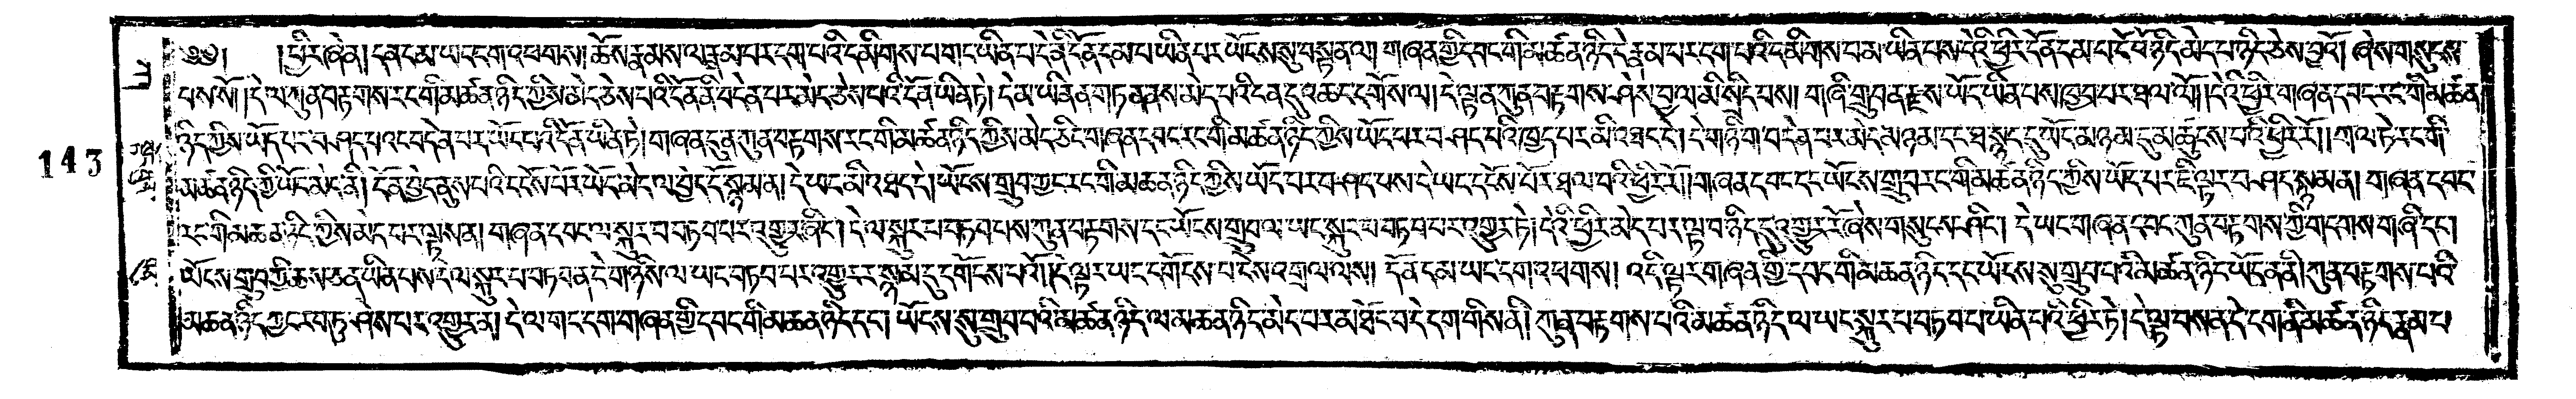༄༅། །ཕྱིར་ཞེན། དོན་དམ་ཡང་དག་འཕགས། ཆོས་རྣམས་ལ་རྣམ་པར་དག་པའི་དམིགས་པ་གང་ཡིན་པ་དེ་ནི་དོན་དམ་པ་ཡིན་པར་ཡོངས་སུ་བསྟན་ལ། གཞན་གྱི་དབང་གི་མཚན་ཉིད་དེ་རྣམ་པར་དག་པའི་དམིགས་པ་མ་ཡིན་པས་དེའི་ཕྱིར་དོན་དམ་པ་ངོ་བོ་ཉིད་མེད་པ་ཉིད་ཅེས་བྱའོ། ཞེས་གསུངས་
པས་སོ། །དེ་ལ་ཀུན་བརྟགས་རང་གི་མཚན་ཉིད་ཀྱིས་མེད་ཅེས་པའི་དོན་ནི་བདེན་པར་མེད་ཅེས་པའི་དོན་ཡིན་ཏེ། དེ་མ་ཡིན་ན་གཏན་ནས་མེད་པའི་དོན་དུ་འཆད་དོགས་ལ། དེ་ལྟ་ན་ཀུན་བརྟགས་ཤེས་བྱ་ལ་མི་སྲིད་པས། གཞི་གྲུབ་ན་རྫས་ཡོད་ཡིན་པས་ཁྱབ་པར་ཐལ་ལོ། །དེའི་ཕྱིར་གཞན་དབང་རང་གི་མཚན་
ཉིད་ཀྱིས་ཡོད་པར་བཤད་པའང་བདེན་པར་ཡོད་པའི་དོན་ཡིན་ཏེ། གཞན་དུ་ན་ཀུན་བརྟགས་རང་གི་མཚན་ཉིད་ཀྱིས་མེད་ཅིང་གཞན་དབང་རང་གི་མཚན་ཉིད་ཀྱིས་ཡོད་པར་བཤད་པའི་ཁྱད་པར་མི་འཐད་དེ། དེ་གཉི་ག་བདེན་པར་མེད་མཉམ་དང་ཐ་སྙད་དུ་ཡོད་མཉམ་དུ་མཚུངས་པའི་ཕྱིར་རོ། །གལ་ཏེ་རང་གི་
མཚན་ཉིད་ཀྱི་ཡོད་མེད་ནི། དོན་བྱེད་ནུས་པའི་དངོས་པོར་ཡོང་མེད་ལ་བྱེད་དོ་སྙམ་ན། དེ་ཡང་མི་འཐད་དེ། ཡོངས་གྲུབ་ཀྱང་རང་གི་མཆན་ཉིད་ཀྱིས་ཡོད་པར་བཤད་པས་དེ་ཡང་དངོས་པོར་ཐལ་བའི་ཕྱིར་རོ། །གཞན་དབང་དང་ཡོངས་གྲུབ་རང་གི་མཚན་ཉིད་ཀྱིས་ཡོད་པར་ཇི་ལྟར་བཤད་སྙམ་ན། གཞན་དབང་
རང་གི་མཚན་ཉིད་ཀྱིས་མེད་བར་ལྟས་ན། གཞན་དབང་ལ་སྐུར་བ་བཏབ་པར་འགྱུར་ཞིང་། དེ་ལ་སྐུར་པ་བཏབ་པས་ཀུན་བརྟགས་དང་ཡོངས་གྲུབ་ལ་ཡང་སྐུར་བ་བཏབ་པར་འགྱུར་ཏེ། དེའི་ཕྱིར་མེད་པར་ལྟ་བ་ཉིད་དུ་འགྱུར་རོ་ཞེས་གསུངས་ཤིང་། དེ་ཡང་གཞན་དབང་ཀུན་བརྟགས་ཀྱི་གདགས་གཞི་དང་།
ཡོངས་གྲུབ་ཀྱི་ཆས་ཅན་ཡིན་པས་དེ་ལ་སྐུར་པ་བཏབ་ན་དེ་གཉིས་ལ་ཡང་བཏབ་པར་འགྱུར་རོ་སྙམ་དུ་དགོངས་པའོ། །དེ་ལྟར་ཡང་དགོངས་པ་དེས་འགྲེལ་ལས། དོན་དམ་ཡང་དག་འཕགས། འདི་ལྟར་གཞན་གྱི་དབང་གི་མཚན་ཉིད་དང་ཡོངས་སུ་གྲུབ་པའི་མཚན་ཉིད་ཡོད་ན་ནི། ཀུན་བརྟགས་པའི་
མཚན་ཉིད་ཀྱང་རབ་ཏུ་ཤེས་པར་འགྱུར་ན། དེ་ལ་གང་དག་གཞན་གྱི་དབང་གི་མཚན་ཉིད་དང་། ཡོངས་སུ་གྲུབ་པའི་མཚན་ཉིད་ལ་མཆན་ཉིད་མེད་པར་མཐོང་བ་དེ་དག་གིས་ནི། ཀུན་བརྟགས་པའི་མཚན་ཉིད་ལ་ཡང་སྐུར་པ་བཏབ་པ་ཡིན་པའི་ཕྱིར་ཏེ། དེ་ལྟ་བས་ན་?་དེ་དག་ནི་མཚན་ཉིད་རྣམ་པ་